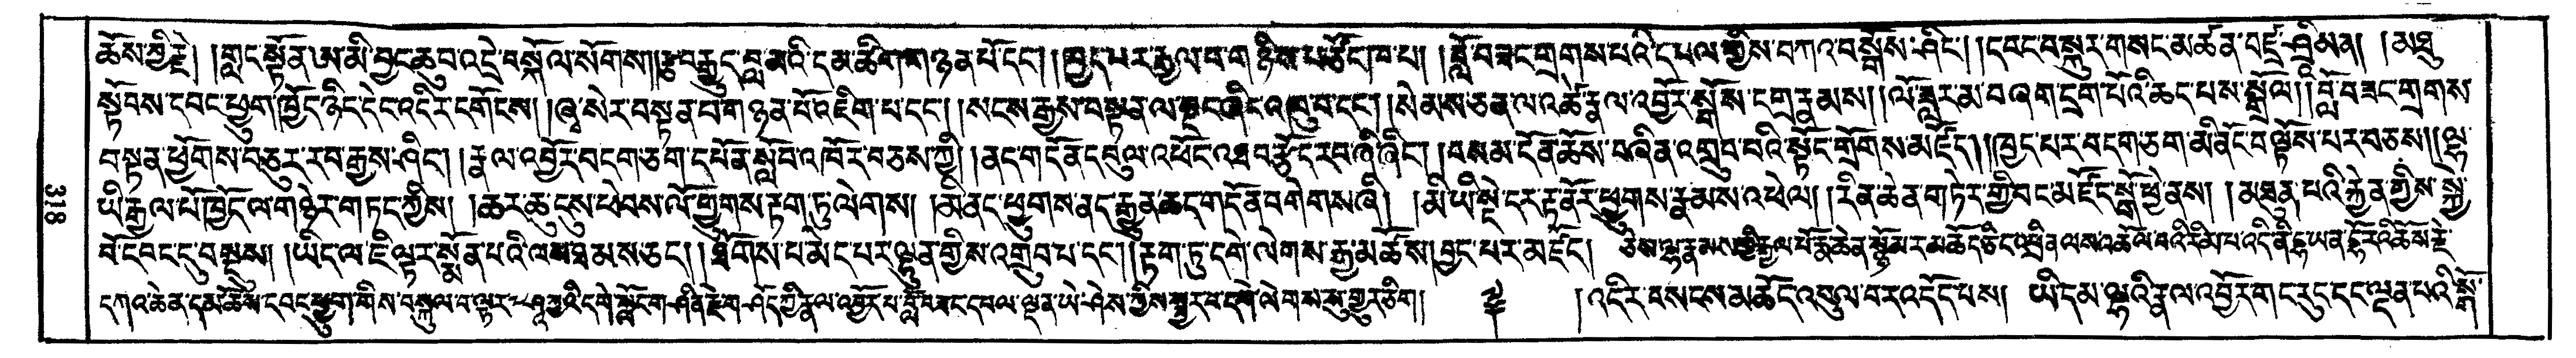ཆོས་ཀྱི་རྗེ། །གླང་སྟོན་ཨ་མི་བྱང་ཆུབ་འདྲེ་བསྐོལ་སོགས། །རྩ་བརྒྱུད་བླ་མའི་དམ་ཚིག་གཉན་པོ་དང་། །ཁྱད་པར་རྒྱལ་བ་གཉིས་པ་ཙོང་ཁ་པ། །བློ་བཟང་གྲགས་པའི་དཔལ་གྱིས་བཀའ་བསྒོས་ཤིང་། །དབང་བསྐུར་གསང་མཚན་བྫྲ་ཤྲཱི་མན། །མཐུ་
སྟོབས་དབང་ཕྱུག་ཁྱོད་ཉིད་དེང་འདིར་དགོངས། །ཞྭ་སེར་བསྟན་པ་གཉན་པོ་འཇིག་པ་དང་། །སངས་རྒྱས་བསྟན་ལ་སྡང་ཞིང་འཁུ་བ་དང་། །སེམས་ཅན་ལ་འཚེ་རྣལ་འབྱོར་སྒོས་དགྲ་རྣམས། །ལོ་ཟླར་མ་བཞག་དྲག་པོའི་ཆད་པས་སྒྲོལ། །བློ་བཟང་གྲགས་
བསྟན་ཕྱོགས་བཅུར་རབ་རྒྱས་ཤིང་། །རྣལ་འབྱོར་བདག་ཅག་དཔོན་སློབ་འཁོར་བཅས་ཀྱི། །ནད་གདོན་དབུལ་འཕོང་འཐབ་རྩོད་རབ་ཞི་ཞིང་། །བསམ་དོན་ཆོས་བཞིན་འགྲུབ་པའི་སྟོང་གྲོགས་མཛོད། །ཁྱད་པར་བདག་ཅག་མི་ནོར་བལྟོས་པར་བཅས། །ལྷ་
ཡི་རྒྱལ་པོ་ཁྱོད་ལ་གཉེར་གཏད་ཀྱིས། །ཆར་ཆུ་དུས་ཕེབས་ལོ་ཕྱུགས་རྟག་ཏུ་ལེགས། །མི་ནད་ཕྱུགས་ནད་རྒྱུན་ཆད་གདོན་བགེགས་ཞི། །མི་ཡི་སྡེ་དར་རྟ་ནོར་ཕྱུགས་རྣམས་འཕེལ། །རིན་ཆེན་གཏེར་གྱི་བང་མཛོད་སྒོ་ཕྱེ་ནས། །མཐུན་པའི་རྐྱེན་གྱིས་སྐྱེ་
བོ་དབང་དུ་བསྡུས། །ཡིད་ལ་ཇི་ལྟར་སྨོན་པའི་ལས་ཐམས་ཅད། །ཐོགས་པ་མེད་པར་ལྷུན་གྱིས་འགྲུབ་པ་དང་། །རྟག་ཏུ་དགེ་ལེགས་རྒྱ་མཚོས་ཁྱབ་པར་མཛོད། ཅེས་ལྷ་རྣམས་ཀྱི་རྒྱལ་བོ་རྨ་ཆེན་སྤོམ་ར་མཆོད་ཅིང་འཕྲིན་ལས་འཆོལ་བའི་རིམ་པ་འདི་ནི་དྷ་ཡན་དྷོ་རའི་ཆས་རྗེ་
དཀའ་ཆེན་དམ་ཆོས་དབང་ཕྱུག་གིས་བསྐུལ་བལྟར་ཤའྐྱ་དགེ་སློང་གཤིན་རྗེ་གཤེད་ཀྱི་རྣལ་འབྱོར་པ་བློ་བཟང་དཔལ་ལྡན་ཡེ་ཤེས་ཀྱིས་སྦྱར་བ་དགེ་ལེགས་སུ་གྱུར་ཅིག། ༈ །།འདིར་བསངས་མཆོད་འབུལ་བར་འདོད་པས། ཡི་དམ་ལྷའི་རྣལ་འབྱོར་གང་རུང་དང་ལྡན་པའི་སྒོ་